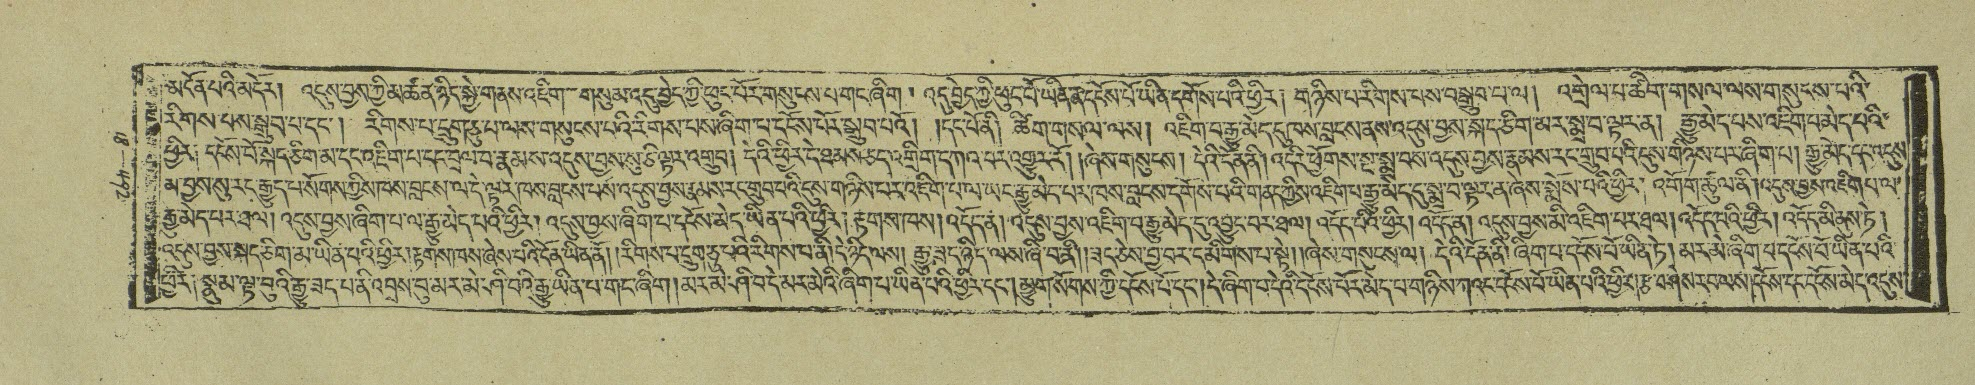མངོན་པའི་མདོར། འདུས་བྱས་ཀྱི་མཚན་ཉིད་སྐྱེ་གནས་འཇིག་གསུམ་འདུ་བྱེད་ཀྱི་ཕུང་པོར་གསུངས་པ་གང་ཞིག །འདུ་བྱེད་ཀྱི་ཕུང་པོ་ཡིན་ན་དངོས་པོ་ཡིན་དགོས་པའི་ཕྱིར། གཉིས་པ་རིགས་པས་བསྒྲུབ་པ་ལ། འགྲེལ་བ་ཚིག་གསལ་ལས་གསུངས་པའི་
རིགས་པས་སྒྲུབ་པ་དང་། རིགས་པ་དྲུག་ཅུ་པ་ལས་གསུངས་པའི་རིགས་པས་ཞིག་པ་དངོས་པོར་སྒྲུབ་པའོ། །དང་པོ་ནི། ཚིག་གསལ་ལས། འཇིག་པ་རྒྱུ་མེད་དུ་ཁས་བླངས་ནས་འདུས་བྱས་སྐད་ཅིག་མར་སྨྲ་བ་ལྟར་ན། རྒྱུ་མེད་པས་འཇིག་པ་མེད་པའི་
ཕྱིར། དངོས་པོ་སྐད་ཅིག་མ་དང་འཇིག་པ་དང་བྲལ་བ་རྣམས་འདུས་བྱས་སུ་ཅི་ལྟར་འགྲུབ། དེའི་ཕྱིར་དེ་ཐམས་ཅད་འགྲིག་དཀའ་བར་འགྱུར་རོ། །ཞེས་གསུངས། དེའི་དོན་ནི། འདིར་ཕྱོགས་སྔ་སྨྲ་བས་འདུས་བྱས་རྣམས་རང་གྲུབ་པའི་དུས་གཉིས་པར་ཞིག་པ། རྒྱུ་མེད་དང་འདུས་
མ་བྱས་སུ་རང་རྒྱུད་པ་སོགས་ཀྱི་ཁས་བླངས་ལ་དེ་ལྟར་ཁས་བླངས་པས་འདུས་བྱས་རྣམས་རང་གྲུབ་པའི་དུས་གཉིས་པར་འཇིག་པ་ལ་ཡང་རྒྱུ་མེད་པར་ཁས་བླངས་དགོས་པའི་གནད་ཀྱིས་འཇིག་པ་རྒྱུ་མེད་དུ་སྨྲ་བ་ལྟར་ན་ཞེས་སྨོས་པའི་ཕྱིར། འགོག་ཚུལ་ནི། འདུས་བྱས་འཇིག་པ་ལ་
རྒྱུ་མེད་པར་ཐལ། འདུས་བྱས་ཞིག་པ་ལ་རྒྱུ་མེད་པའི་ཕྱིར། འདུས་བྱས་ཞིག་པ་དངོས་མེད་ཡིན་པའི་ཕྱིར། རྟགས་ཁས། འདོད་ན། འདུས་བྱས་འཇིག་པ་རྒྱུ་མེད་དུ་འབྱུང་བར་ཐལ། འདོད་པའི་ཕྱིར། འདོད་ན། འདུས་བྱས་མི་འཇིག་པར་ཐལ། འདོད་པའི་ཕྱིར། འདོད་མི་ནུས་ཏེ།
འདུས་བྱས་སྐད་ཅིག་མ་ཡིན་པའི་ཕྱིར། རྟགས་ཁས་ཞེས་པའི་དོན་ཡིན་ནོ། །རིགས་པ་དྲུག་ཅུ་པའི་རིགས་པ་ནི། དེ་ཉིད་ལས། རྒྱུ་ཟད་ཉིད་ལས་ཞི་བ་ནི། །ཟད་ཅེས་བྱ་བར་དམིགས་པ་སྟེ། །ཞེས་གསུངས་ལ། དེའི་དོན་ནི། ཞིག་པ་དངོས་པོ་ཡིན་ཏེ། མར་མེ་ཞིག་པ་དངོས་པོ་ཡིན་པའི་
ཕྱིར། སྣུམ་ལྟ་བུའི་རྒྱུ་ཟད་པ་ནི་འབྲས་བུ་མར་མེ་ཤི་བའི་རྒྱུ་ཡིན་པ་གང་ཞིག །མར་མེ་ཤི་བ་དེ་མར་མེའི་ཞིག་པ་ཡིན་པའི་ཕྱིར་དང་། མྱུག་སོགས་ཀྱི་དངོས་པོ་དང་། དེ་ཞིག་པ་དེའི་དངོས་པོར་མེད་པ་གཉིས་ཀའང་དངོས་པོ་ཡིན་པའི་ཕྱིར། རྩ་བ་ཤེས་རབ་ལས། དངོས་དང་དངོས་མེད་འདུས་